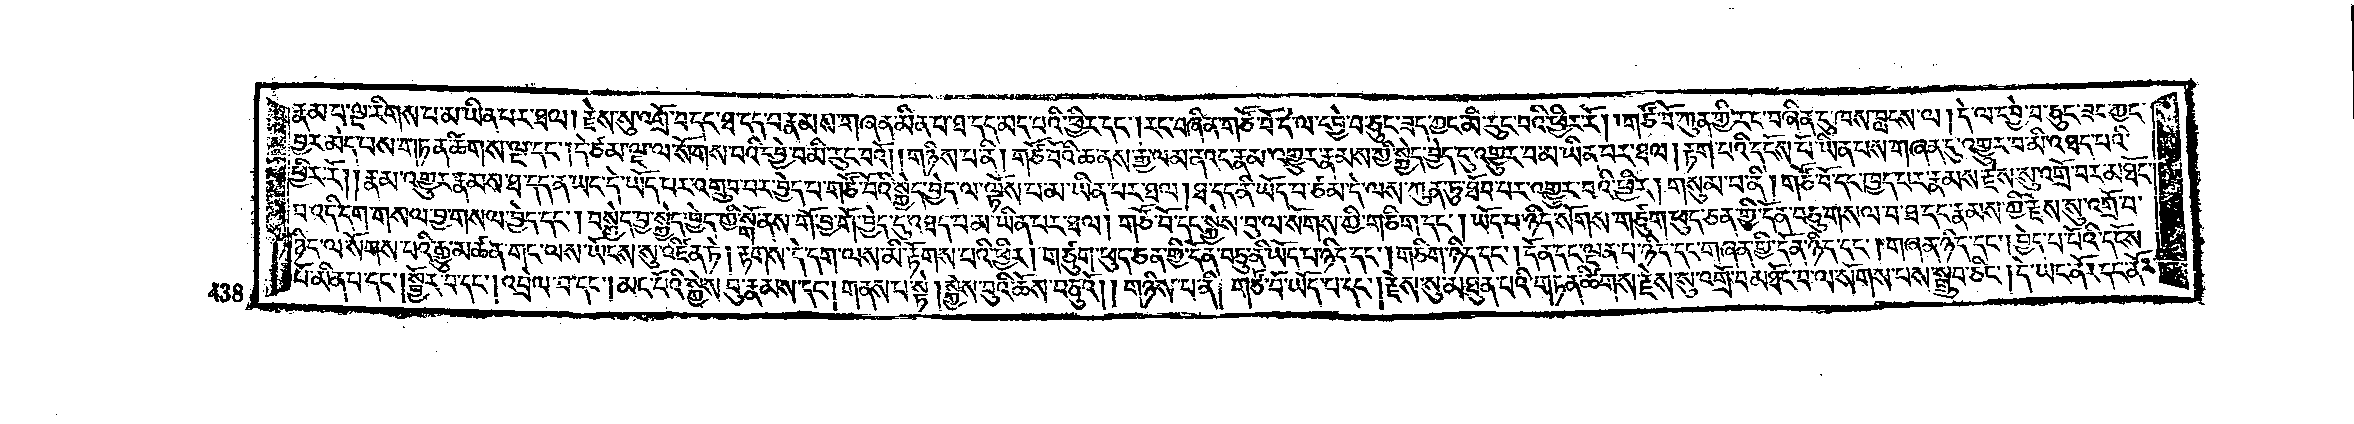རྣམ་པ་ལྔ་རིགས་པ་མ་ཡིན་པར་ཐལ། རྗེས་སུ་འགྲོ་བ་དང་ཐ་དད་པ་རྣམས་གཞན་མིན་པ་ཐ་དད་མེད་པའི་ཕྱིར་དང་། རང་བཞིན་གཙོ་བོ་དེ་ལ་དབྱེ་བ་ཅུང་ཟད་ཀྱང་མི་རུང་བའི་ཕྱིར་རོ། ། གཙོ་བོ་ཀུན་ཀྱི་རང་བཞིན་དུ་ཁས་བླངས་ལ། དེ་ལ་དབྱེ་བ་ཅུང་ཟད་ཀྱང་
བྱར་མེད་པས་གཏན་ཚིགས་ལྔ་དང་། དེ་ཙམ་ལྔ་ལ་སོགས་པའི་དབྱེ་བ་མི་རུང་བའོ། །གཉིས་པ་ནི། གཙོ་བོའི་ཆ་ནས་རྒྱ་ལམ་ནའང་རྣམ་འགྱུར་རྣམས་ཀྱི་སྐྱེད་བྱེད་དུ་འགྱུར་བ་མ་ཡིན་པར་ཐལ། རྟག་པའི་དངོས་པོ་ཡིན་པས་གཞན་དུ་འགྱུར་བ་མི་འཐད་པའི་
ཕྱིར་རོ། །རྣམ་འགྱུར་རྣམས་ཐ་དད་ན་ཡང་དེ་ཡོད་པར་འགྲུབ་པར་བྱེད་པ་གཙོ་བོའི་སྐྱེད་བྱེད་ལ་ལྟོས་པ་མ་ཡིན་པར་ཐལ། ཐ་དད་ནི་ཡོད་པ་ཙམ་དེ་ལས་ཀུན་ཏུ་ཐོབ་པར་འགྱུར་པའི་ཕྱིར། གསུམ་པ་ནི། གཙོ་བོ་དང་ཁྱད་པར་རྣམས་རྗེས་སུ་འགྲོ་བར་མཐོང་
བ་འདི་དག་གསལ་བྱ་གསལ་བྱེད་དང་། བསྐྱེད་བྱ་སྐྱེད་བྱེད་ཀྱི་སྒོ་ནས་གོ་བྱ་གོ་བྱེད་དུ་འཐད་པ་མ་ཡིན་པར་ཐལ། གཙོ་བོ་དང་སྐྱེས་བུ་ལ་སོགས་ཀྱི་གཅིག་དང་། ཡོད་པ་ཉིད་སོགས་གཙུག་ཕུད་ཅན་གྱི་དོན་བཅུ་གསལ་བ་ཐ་དད་རྣམས་ཀྱི་རྗེས་སུ་འགྲོ་བ་
ཉིད་ལ་སོགས་པའི་རྒྱུ་མཚན་གང་ལས་ཡོངས་སུ་འཛིན་ཏེ། རྟགས་དེ་དག་ལས་མི་རྟོགས་པའི་ཕྱིར། གཙུག་ཕུད་ཅན་གྱི་དོན་བཅུ་ནི་ཡོད་པ་ཉིད་དང་། གཅིག་ཉིད་དང་། དོན་དང་ལྡན་པ་ཉིད་དང་གཞན་གྱི་དོན་ཉིད་དང་། གཞན་ཉིད་དང་། བྱེད་པ་པོའི་དངོས་
པོ་མིན་པ་དང་། སྦྱོར་བ་དང་། འབྲེལ་བ་དང་། མང་པོ་སྐྱེས་བུ་རྣམས་དང་། གནས་པ་སྟེ། སྐྱེས་བུའི་ཆོས་བཅུའོ། །གཉིས་པ་ནི། གཙོ་བོ་ཡོད་པ་དང་། རྗེས་སུ་མཐུན་པའི་གཏན་ཚིགས་རྗེས་སུ་འགྲོ་བ་མཐོང་བ་ལ་སོགས་པས་སྒྲུབ་པ་ཅིང་། དེ་ཡང་ནོར་དང་ནོར་